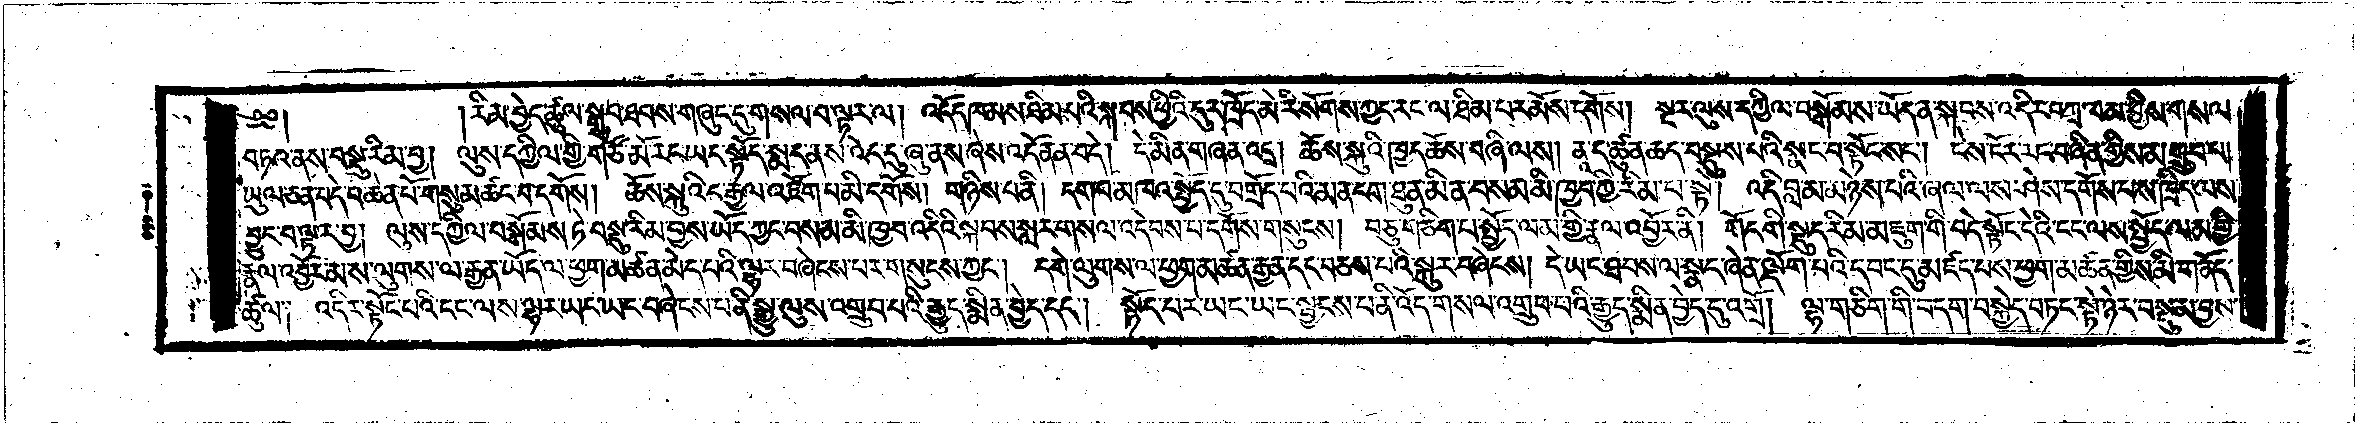༄༅། །རིམ་བྱེད་ཚུལ་སྒྲུབ་ཐབས་གཞུང་དུ་གསལ་བ་ལྟར་ལ། འདོད་ཁམས་ཐིམ་པའི་སྐབས་ཕྱིའི་དུར་ཁྲོད་མེ་རི་སོགས་ཀྱང་རང་ལ་ཐིམ་པར་མོས་དགོས། སྔར་ལུས་དཀྱིལ་བསྒོམས་ཡོད་ན་སྐབས་འདིར་བཀྲ་ལམ་གྱིས་གསལ་
བཏབ་ནས་བསྡུ་རིམ་བྱ། ལུས་དཀྱིལ་གྱི་གཙོ་མོ་རང་ཡང་སྟོད་སྨད་ནས་འོད་དུ་ཞུ་ནས་ཞེས་འདོན་ན་བདེ། དེ་མིན་གཞན་འདྲ། ཆོས་སྐུའི་ཁྱད་ཆོས་བཞི་ལས། ནཱ་ད་ཚུན་ཆད་བསྡུས་པའི་སྣང་བ་སྟོན་སང་། ངེས་ངོར་རང་བཞིན་གྱིས་མ་གྲུབ་པ།
ཡུལ་ཅན་བདེ་བ་ཆེན་པོ་གསུམ་ཚང་བ་དགོས། ཆོས་སྐུའི་ང་རྒྱལ་འཇོག་པ་མི་དགོས། གཉིས་པ་ནི། དག་པ་མཁའ་སྤྱོད་དུ་བགྲོད་པའི་མན་ངག་ཐུན་མིན་བསམ་མི་ཁྱབ་ཀྱི་རིམ་པ་སྟེ། འདི་བླ་མ་མཉེས་པའི་ཞལ་ལས་ཤེས་དགོས་པས་ཁྲིད་ལས་
བྱུང་བ་ལྟར་བྱ། ལུས་དཀྱིལ་བསྒོམས་ཏེ་བསྡུ་རིམ་བྱས་ཡོད་ཀྱང་བསམ་མི་ཁྱབ་འདིའི་སྐབས་སླར་གསལ་འདེབས་པ་དགོས་གསུངས། བཅུ་གཅིག་པ་སྤྱོད་ལམ་གྱི་རྣལ་འབྱོར་ནི། གོང་གི་སྡུད་རི་མ་མཇུག་གི་བདེ་སྟོང་དེའི་ངང་ལས་སྤྱོད་ལམ་གྱི་
རྣལ་འབྱོར་མ་ས་ལུགས་ལ་རྒྱན་ཡོད་ལ་ཕྱག་མཚན་མེད་པའི་ལྷར་བཞེངས་པར་གསུངས་ཀྱང་། དགེ་ལུགས་ལ་ཕྱག་མཚན་རྒྱན་དང་བཅས་པའི་སྐུར་བཞེངས། དེ་ཡང་ཐབས་ལ་སྣང་ཞེན་ལྡོག་པའི་དབང་དུ་མཛད་པས་ཕྱག་མཚན་གྱིས་མི་གནོད་
ཚུལ༑ འདིར་སྟོང་པའི་ངང་ལས་ལྷར་ཡང་ཡང་བཞེངས་པ་ནི་སྒྱུ་ལུས་འགྲུབ་པའི་རྒྱུད་སྨིན་བྱེད་དང་། སྟོང་པར་ཡང་ཡང་སྦྱངས་པ་ནི་འོད་གསལ་འགྲུབ་པའི་རྒྱུད་སྨིན་བྱེད་དུ་འགྲོ། ལྷ་གཅིག་གི་བདག་བསྐྱེད་བཏང་སྟེ་ཉེར་བསྡུ་མ་བྱས་